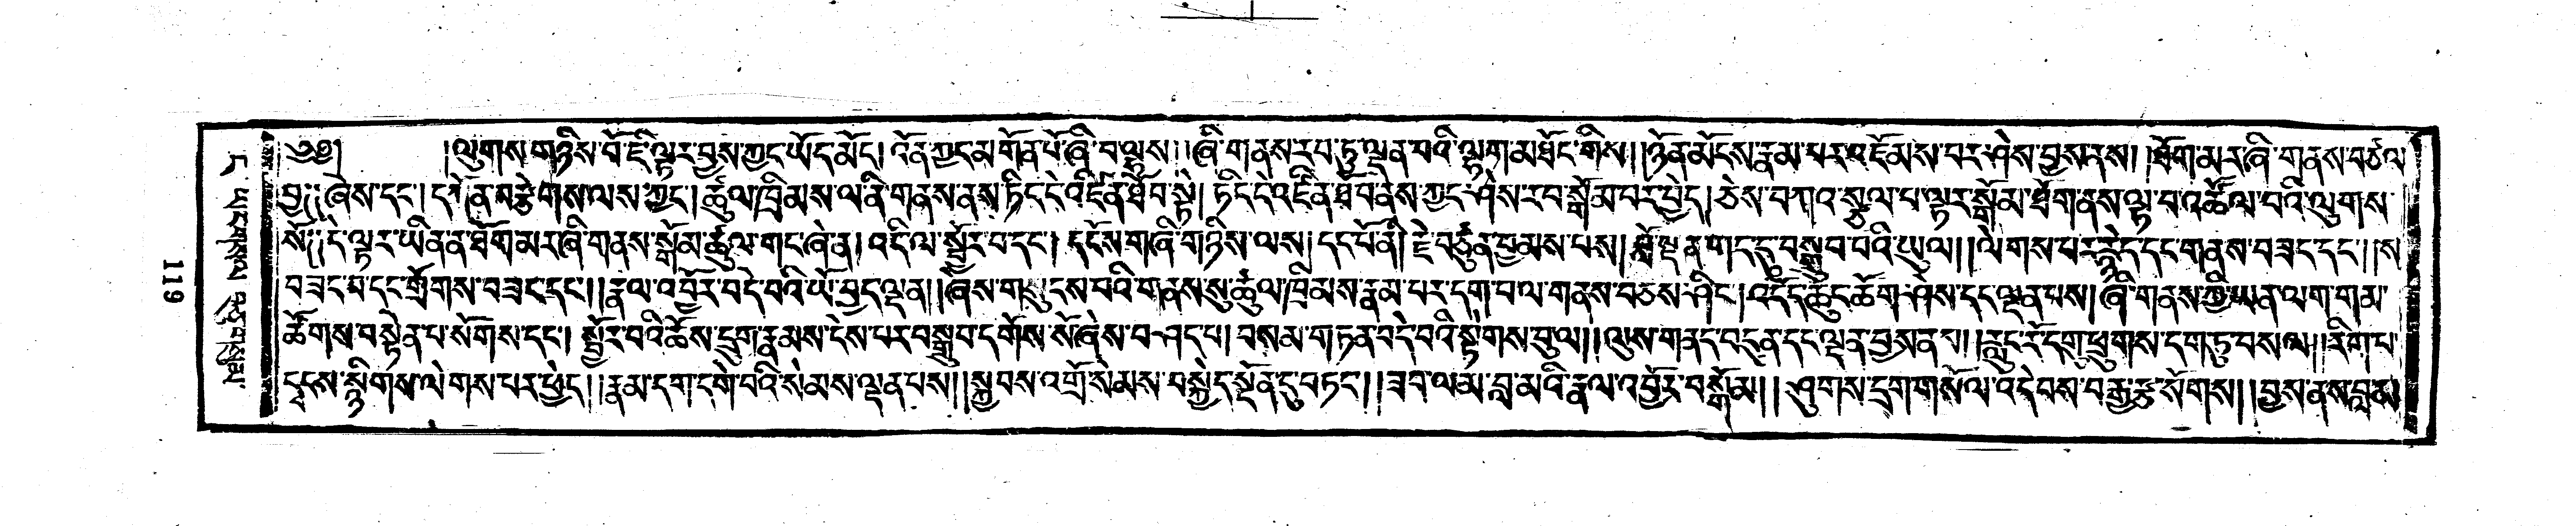༄༅། །ལུགས་གཉིས་པོ་ཇི་ལྟར་བྱས་ཀྱང་ཡོད་མོད། འོན་ཀྱང་མགོན་པོ་ཞི་བ་ལྷས། །ཞི་གནས་རབ་ཏུ་ལྡན་པའི་ལྷག་མཐོང་གིས། །ཉོན་མོངས་རྣམ་པར་འཇོམས་པར་ཤེས་བྱས་ནས། །ཐོག་མར་ཞི་གནས་བཙལ་
བྱ། །ཞེས་དང་། དཀོན་བརྩེགས་ལས་ཀྱང་། ཚུལ་ཁྲིམས་ལ་ནི་གནས་ནས་ཏིང་ངེ་འཛིན་ཐོབ་སྟེ། ཏིང་ངེ་འཛིན་ཐོབ་ནས་ཀྱང་ཤེས་རབ་སྒོམ་པར་བྱེད། ཅེས་བཀའ་སྩལ་པ་ལྟར་སྒོམ་ཐོག་ནས་ལྟ་བ་འཚོལ་བའི་ལུགས་
སོ། །དེ་ལྟར་ཡིན་ན་ཐོག་མར་ཞི་གནས་སྒོམ་ཚུལ་གང་ཞེ་ན། འདི་ལ་སྦྱོར་བ་དང་། དངོས་གཞི་གཉིས་ལས། དང་པོ་ནི། རྗེ་བཙུན་བྱམས་པས། བློ་ལྡན་གང་དུ་བསྒྲུབ་པའི་ཡུལ། །ལེགས་པར་རྙེད་དང་གནས་བཟང་དང་། །ས་
བཟང་བ་དང་གྲོགས་བཟང་དང་། །རྣལ་འབྱོར་བདེ་བའི་ཡོ་བྱད་ལྡན། །ཞེས་གསུངས་པའི་གནས་སུ་ཚུལ་ཁྲིམས་རྣམ་པར་དག་པ་ལ་གནས་བཅས་ཤིང་། འདོད་ཆུང་ཆོག་ཤེས་དང་ལྡན་པས། ཞི་གནས་ཀྱི་ཡན་ལག་གམ་
ཚོགས་བསྟེན་པ་སོགས་དང་། སྦྱོར་བའི་ཆོས་དྲུག་རྣམས་ངེས་པར་བསྒྲུབ་དགོས་སོ་ཞེས་བཤད་པ། བསམ་གཏན་བདེ་བའི་སྟེགས་བུ་ལ། །ལུས་གནད་བདུན་དང་ལྡན་བྱས་ནས། །རླུང་རོ་དགུ་ཕྲུགས་དག་ཏུ་བསལ། །རིག་པ་
དྭངས་སྙིགས་ལེགས་པར་བྱེད། །རྣམ་དག་དགེ་བའི་སེམས་ལྡན་པས། །སྐྱབས་འགྲོ་སེམས་བསྐྱེད་སྔོན་དུ་བཏང་། །ཟབ་ལམ་བླ་མའི་རྣལ་འབྱོར་བསྒོམ། །ཤུགས་དྲག་གསོལ་འདེབས་བརྒྱ་རྩ་སོགས། །བྱས་ནས་བླ་མ་